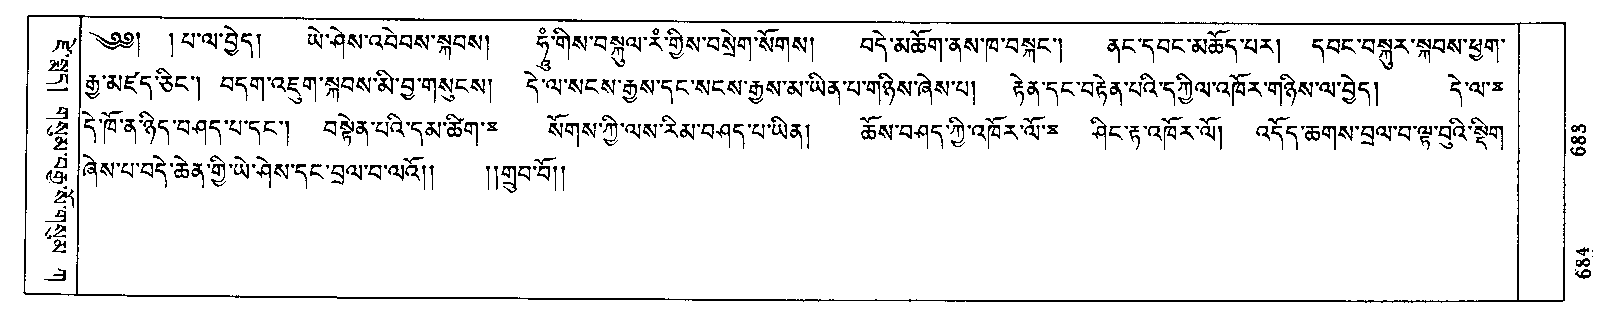༄༅། །པ་ལ་བྱེད། ཡེ་ཤེས་འབེབས་སྐབས། ཧཱུཾ་གིས་བསྐུལ་རཾ་གྱིས་བསྲེག་སོགས། བདེ་མཆོག་ནས་ཁ་བསྐང་། ནང་དབང་མཆོད་པར། དབང་བསྐུར་སྐབས་ཕྱག་
རྒྱ་མཛད་ཅིང་། བདག་འཇུག་སྐབས་མི་བྱ་གསུངས། དེ་ལ་སངས་རྒྱས་དང་སངས་རྒྱས་མ་ཡིན་པ་གཉིས་ཞེས་པ། རྟེན་དང་བརྟེན་པའི་དཀྱིལ་འཁོར་གཉིས་ལ་བྱེད། དེ་ལ་྾་
དེ་ཁོ་ན་ཉིད་བཤད་པ་དང་། བསྟེན་པའི་དམ་ཚིག་྾་སོགས་ཀྱི་ལས་རིམ་བཤད་པ་ཡིན། ཆོས་བཤད་ཀྱི་འཁོར་ལོ་྾་ཤིང་རྟ་འཁོར་ལོ། འདོད་ཆགས་བྲལ་བ་ལྟ་བུའི་སྡིག་
ཞེས་པ་བདེ་ཆེན་གྱི་ཡེ་ཤེས་དང་བྲལ་བ་ལའོ།། །།གྲུབ་བོ།།